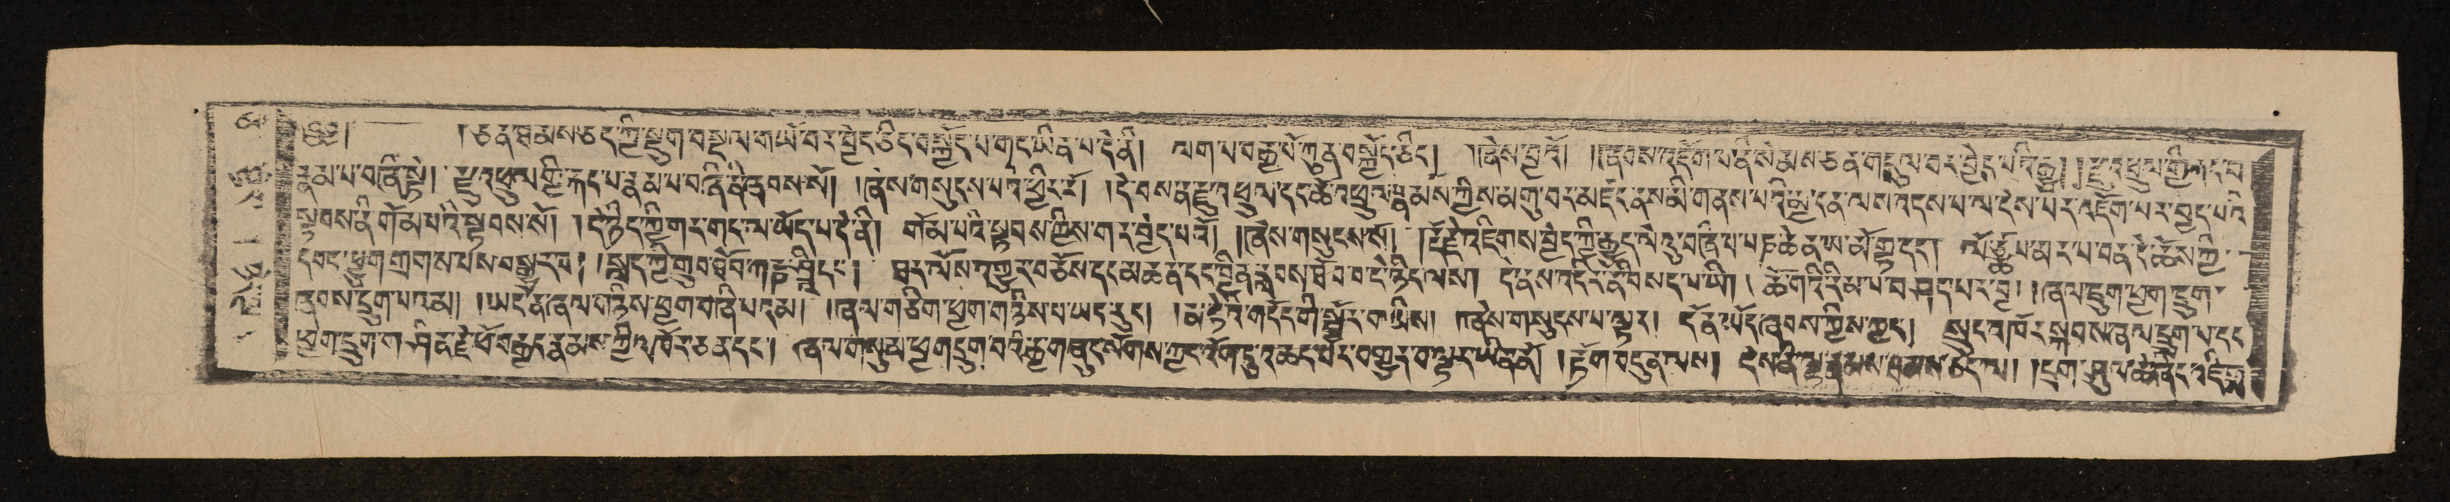༄༅། །ཅན་ཐམས་ཅད་ཀྱི་སྡུག་བསྔལ་གཡོ་བར་བྱེད་ཅིང་བསྐྱོད་པ་གང་ཡིན་པ་དེ་ནི། ལག་པ་བརྒྱ་པོ་ཀུན་བསྐྱོད་ཅིང་། །ཞེས་བྱའོ། །ཞངས་འཇོག་པ་ནི་སེམས་ཅན་གདུལ་བར་བྱེད་པའི་རྒྱུ། རྫུ་འཕྲུལ་གྱི་རྐང་པ་
རྣམ་པ་བཞི་སྟེ། རྫུ་འཕྲུལ་གྱི་རྐང་པ་རྣམ་པ་བཞི་ནི་ཞབས་སོ། །ཞེས་གསུངས་པའི་ཕྱིར་རོ། །དེ་བས་ན་རྫུ་འཕྲུལ་དང་ཆོ་འཕྲུལ་རྣམས་ཀྱིས་མགུ་བར་མཛད་ནས་མི་གནས་པའི་མྱ་ངན་ལས་འདས་པ་ལ་ངེས་པར་འཇོག་པར་བྱེད་པའི་
སྟབས་ནི་གོམ་པའི་སྟབས་སོ། །དེ་ཉིད་ཀྱི་གར་གང་ལ་ཡོད་པ་དེ་ནི། གོམ་པའི་སྟབས་ཀྱིས་གར་བྱེད་པའོ། །ཞེས་གསུངས་སོ། །རྡོ་རྗེ་འཇིགས་བྱེད་ཀྱི་རྒྱུད་ལེའུ་བཞི་པ་པཎ་ཆེན་ཨ་མོ་གྷ་དང་། ལོཙྪ་བ་མར་པ་བན་དེ་ཆོས་ཀྱི་
དབང་ཕྱུག་གྲགས་པས་བསྒྱུར་པ། སླད་ཀྱི་གྲུབ་ཐོབ་ཀརྞ་ཤྲཱི་དང་། ཐར་ལོས་འགྱུར་བཅོས་དང་མཆན་དང་བྱིན་རླབས་ཐོབ་པ་དེ་ཉིད་ལས། དེ་ནས་འདིར་ནི་བསད་པ་ཡི། །ཆོ་གའི་རིམ་པ་བཤད་པར་བྱ། །ཞལ་དྲུག་ཕྱག་དྲུག་
ཞབས་དྲུག་པའམ། །ཡང་ན་ཞལ་གཉིས་ཕྱག་བཞི་པའམ། །ཞལ་གཅིག་ཕྱག་གཉིས་པ་ཡང་རུང་། །མ་ཧེའི་གདོང་གི་སྦྱོར་བ་ཡིས། །ཞེས་གསུངས་པ་ལྟར། དོན་ཡོད་ཞབས་ཀྱིས་ཀྱང་། སྲུང་འཁོར་སྐབས་ཞལ་དྲུག་པ་དང་།
ཕྱག་དྲུག་གཤིན་རྗེ་ཕོ་བརྒྱད་རྣམས་ཀྱི་འཁོར་ཅན་དང་། ཞལ་གསུམ་ཕྱག་དྲུག་པའི་རྒྱ་གཞུང་སོགས་ཀྱང་འོག་ཏུ་འཆད་པར་འགྱུར་བ་ལྟར་ཡིན་ནོ། །རྟོག་བདུན་ལས། དེས་ནི་ལྷ་རྣམས་ཐམས་ཅད་ལ། །དྲག་ཤུལ་ཆེ་ཞིང་འཇིགས་